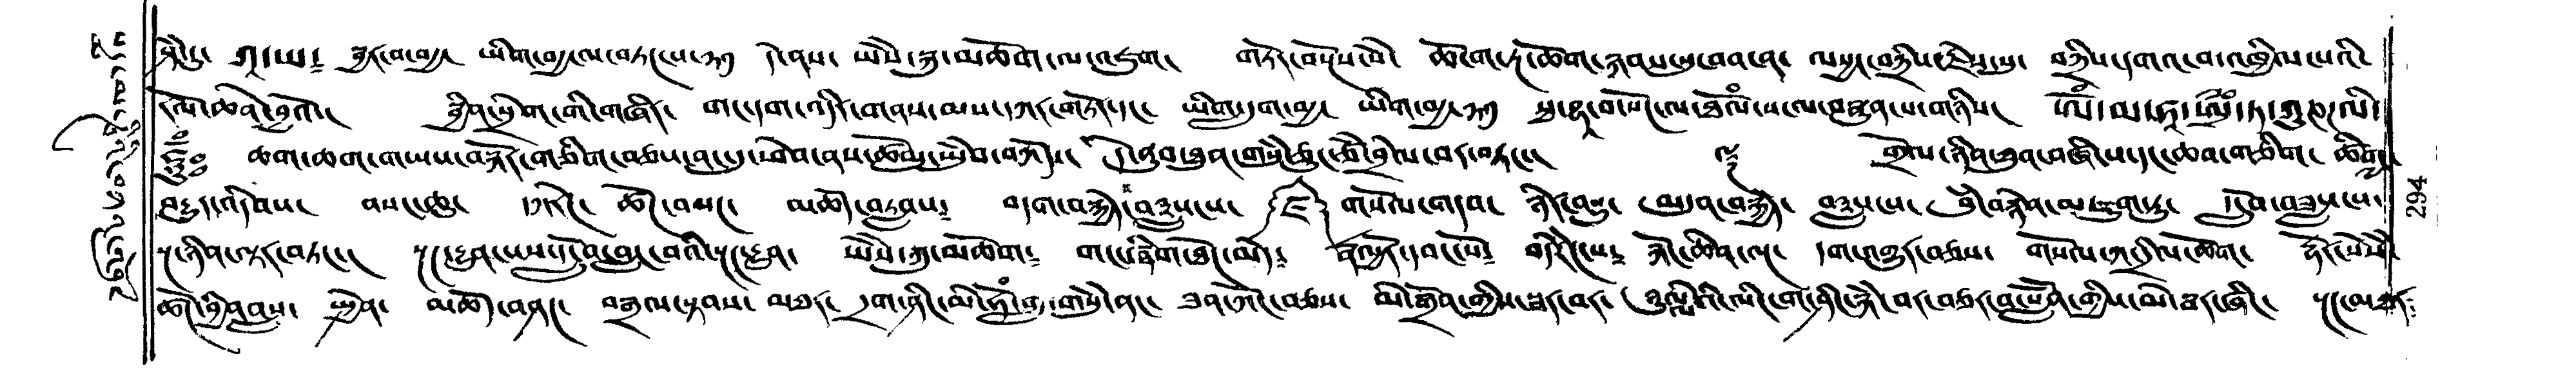གཤམ་དུ། ཀཱ་ཡ༴ སྦྱར་བ་བརྒྱ། ཡིག་བརྒྱ་ལ་བཏགས་པ་ཉེར་གཅིག དེ་ནས། ཡེ་ཤེས་སྐུ་མཆོག༴ ལ་འཇུག གཏོར་བསྔོས་སམ། ཆོ་ག་རྔ་ཆོག་སྐབས་སུ་བབས་ན་ལས་བྱང་བཀྲ་ཤིས་རྗེས་སུ་བཀྲ་ཤིས་དགའ་བ་འཁྱིལ་པའི་
རོལ་ཆེན་བྱའོ། །སྦྱིན་སྲེག་གི་གཞིར། གང་དག་འདིར་གནས༴ ནས་དཀར་གཏོར་དང་ཡིག་དྲུག་བརྒྱ། ཡིག་བརྒྱ་ཉེར་གཅིག སྭ་བྷཱ་ཝ༴ སོགས་ལ་ཐལ་མོ་ས་ལ་བསྣུན་པ་གཉིས། ཨོཾ་མ་ཧཱ་ཨམྲྀ་ཏ་ཀུཎྜ་ལི་
ཧཱུྃ། ཆག་ཆག་གཡས་བསྐོར་གཅིག་བཅས་ནང་དུ་ཕེབས་ནས་ཚོམ་བུ་ཡབ་ཡུམ་དགོད། དེ་ནུབ་ཐུན་གསུམ་ཅུང་ཙམ་བྲེལ་བར་གཏང་། གྲོལ་ཉིན་ཐུན་བཞི་པ་དང་ཆབས་གཅིག ཚིག་བདུན་
བརྒྱུད་འདེབས། བསང་ཆུ། དཀར་བགེགས། ཚོགས་གསག མཆོད་རླབས། བདག་བསྐྱེད་བཟླས་པ། གསོལ་གདབ། ཉེར་བསྡུ། མདུན་བསྐྱེད། བཟླས་པ། བུམ་སྙེན་མཇུག་ཏུ་དངོས་གྲུབ་བཟླས་
སྔ་ཉིན་ལྟར་གཏང་། སྔགས་རྒྱུན་པས་དངོས་གྲུབ་བླང་བའི་སྔགས་རྒྱུན། ཡེ་ཤེས་སྐུ་མཆོག༴ གང་ཞིག་ཐོགས་མེད༴ རྣལ་འབྱོར་དབང་པོ༴ བདེ་བར་གཤེགས་པ༴ སྐོང་ཆེན་ལྔ། དག་འགྱུར་བཅས། གསོལ་ཀ་དྲིལ་ཆོག རྡོར་སེམས་
ཚོགས་བྱིན་རླབས། སྤྱན་འདྲེན། མཆོད་བཤགས། བསྒྲལ་བསྟབ། མཐར། དྲག་ཤིང་མི་ཧོམ་གྲུ་གསུམ་ནང་ཟན་ཀོང་བཅས། མེ་སྒྲོན་གྱིས་མེ་སྦར་བ་ཉུལླེའི་ལིང་ག་ཤིང་སྐམ་བར་དུ་བཙིར་བར་སློབ་དཔོན་གྱིས་མེ་སྦར་ཞིང་། སྔགས་མཐར།